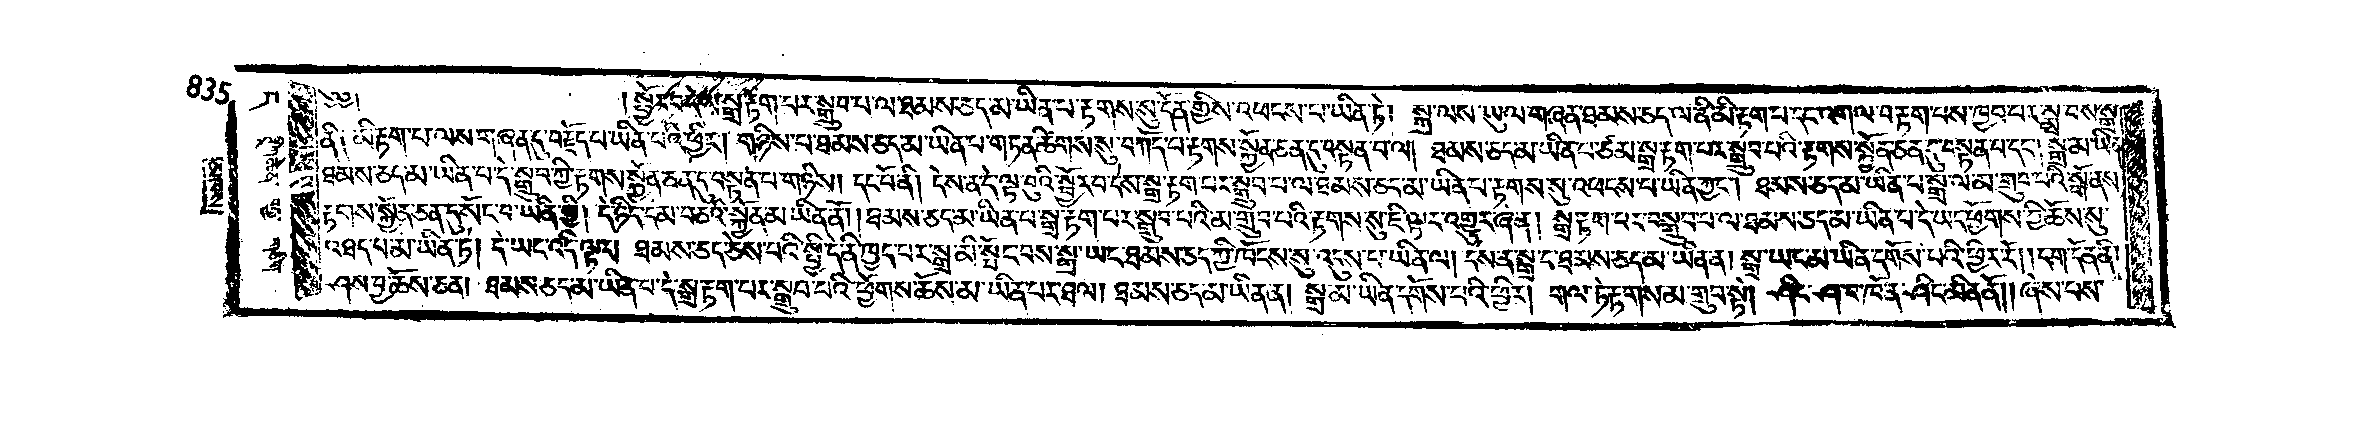༄༅། །སྦྱོར་བ་དེས་སྒྲ་རྟག་པར་སྒྲུབ་པ་ལ་ཐམས་ཅད་མ་ཡིན་པ་རྟགས་སུ་དོན་གྱིས་འཕངས་པ་ཡིན་ཏེ། སྒྲ་ལས་ཡུལ་གཞན་ཐམས་ཅད་ལ་ནི་མི་རྟག་པ་དང་འགལ་བ་རྟག་པས་ཁྱབ་པར་སྨྲ་བས་སྒྲ་
ནི། མི་རྟག་པ་ལས་གཞན་དུ་བརྗོད་པ་ཡིན་པའི་ཕྱིར། གཉིས་པ་ཐམས་ཅད་མ་ཡིན་པ་གཏན་ཚིགས་སུ་བཀོད་པ་རྟགས་སྐྱོན་ཅན་དུ་བསྟན་པ་ལ། ཐམས་ཅད་མ་ཡིན་པ་ཙམ་སྒྲ་རྟག་པར་སྒྲུབ་པའི་རྟགས་སྐྱོན་ཅན་དུ་བསྟན་པ་དང་། སྒྲ་མ་ཡིན་
ཐམས་ཅད་མ་ཡིན་པ་དེ་སྒྲུབ་ཀྱི་རྟགས་སྐྱོན་ཅན་དུ་བསྟན་པ་གཉིས། དང་པོ་ནི། དེས་ན་དེའི་ལྟ་བུའི་སྦྱོར་བ་དེས་སྒྲ་རྟག་པར་སྒྲུབ་པ་ལ་ཐམས་ཅད་མ་ཡིན་པ་རྟགས་སུ་འཕངས་པ་ཡིན་ཀྱང་། ཐམས་ཅད་མ་ཡིན་པ་སྒྲ་ལ་མ་གྲུབ་པའི་སྒོ་ནས་
རྟགས་སྐྱོན་ཅན་དུ་སོང་བ་ཡིན་གྱི། དེ་ཉིད་དམ་བཅའི་སྐྱོན་མ་ཡིན་ནོ། །ཐམས་ཅད་མ་ཡིན་པ་སྒྲ་རྟག་པར་སྒྲུབ་པའི་མ་གྲུབ་པའི་རྟགས་སུ་ཇི་ལྟར་འགྱུར་ཞེ་ན། སྒྲ་རྟག་པར་བསྒྲུབ་པ་ལ་ཐམས་ཅད་མ་ཡིན་པ་དེ་ཡང་ཕྱོགས་ཀྱི་ཆོས་སུ་
འཐད་པ་མ་ཡིན་ཏེ། དེ་ཡང་འདི་ལྟར། ཐམས་ཅད་ཅེས་པའི་སྤྱི་དེ་ནི་ཁྱད་པར་སྒྲ་མི་སྤོང་བས་སྒྲ་ཡང་ཐམས་ཅད་ཀྱི་ཁོངས་སུ་འདུས་པ་ཡིན་ལ། དེས་ན་སྒྲ་དེ་ཐམས་ཅད་མ་ཡིན་ན། སྒྲ་ཡང་མ་ཡིན་དགོས་པའི་ཕྱིར་རོ། །དག་དོན་ནི།
ཤེས་བྱ་ཆོས་ཅན། ཐམས་ཅད་མ་ཡིན་པ་དེ་སྒྲ་རྟག་པར་སྒྲུབ་པའི་ཕྱོགས་ཆོས་མ་ཡིན་པར་ཐལ། ཐམས་ཅད་མ་ཡིན་ན། སྒྲ་མ་ཡིན་དགོས་པའི་ཕྱིར། གལ་ཏེ་རྟགས་མ་གྲུབ་སྟེ། ཤིང་ཤ་བ་ཁོ་ན་ཤིང་མིན་ནོ། །ཞེས་པས་